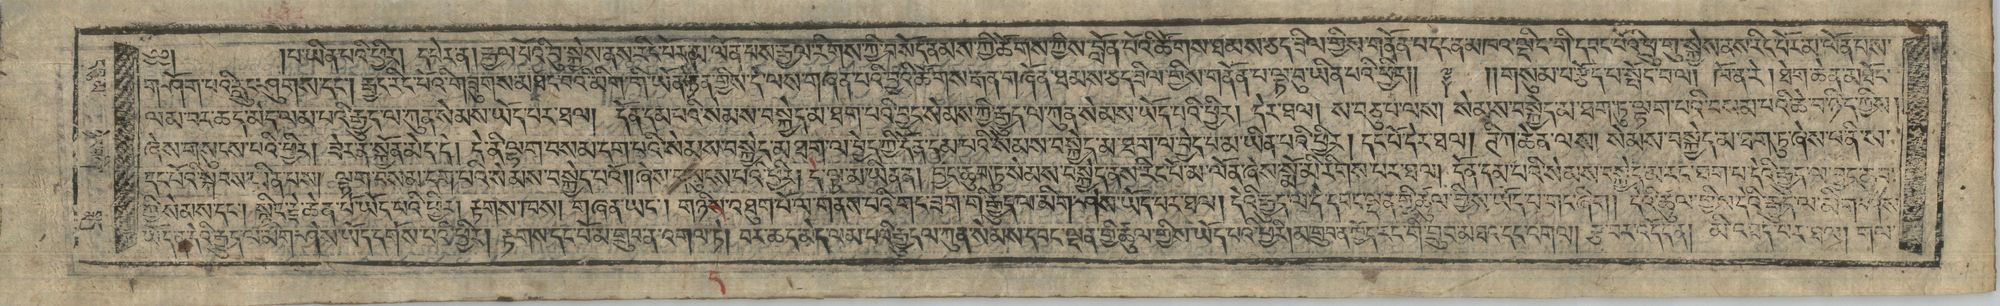༄༅། །པ་ཡིན་པའི་ཕྱིར། དཔེར་ན། རྒྱལ་པོའི་བུ་སྐྱེས་ནས་རིང་པོར་མ་ལོན་པས་རྒྱལ་རིགས་ཀྱི་བསོད་ནམས་ཀྱི་ཚོགས་ཀྱིས་བློན་པོའི་ཚོགས་ཐམས་ཅད་ཟིལ་གྱིས་གནོན་པ་དང་ནམ་མཁའ་ལྡིང་གི་དབང་པོའི་ཕྲུགུ་སྐྱེས་ནས་རིང་པོར་མ་ལོན་པས་
གཤོག་པའི་རླུང་ཤུགས་དང་། རྒྱང་རིང་པོའི་གཟུགས་མཐོང་བའི་མིག་གི་ཡོན་ཏན་གྱིས་དེ་ལས་གཞན་པའི་བྱའི་ཚོགས་རྒན་གཞོན་ཐམས་ཅད་ཟིལ་གྱིས་གནོན་པ་ལྟ་བུ་ཡིན་པའི་ཕྱིར།། ༈ །།གསུམ་པ་རྩོད་པ་སྤོང་བ་ལ། ཁོ་ན་རེ། ཐེག་ཆེན་མཐོང་
ལམ་བར་ཆད་མེད་ལམ་པའི་རྒྱུད་ལ་ཀུན་སེམས་ཡོད་པར་ཐལ། དོན་དམ་པའི་སེམས་བསྐྱེད་མ་ཐག་པའི་བྱང་སེམས་ཀྱི་རྒྱུད་ལ་ཀུན་སེམས་ཡོད་པའི་ཕྱིར། དེར་ཐལ། ས་བཅུ་པ་ལས། སེམས་བསྐྱེད་མ་ཐག་ཏུ་ལྷག་པའི་བསམ་པའི་ཆེ་བ་ཉིད་ཀྱིས།
ཞེས་གསུངས་པའི་ཕྱིར། ཟེར་ན་སྐྱོན་མེད་དེ། དེ་ནི་ལྷག་བསམ་དག་པའི་སེམས་བསྐྱེད་མ་ཐག་ལ་བྱེད་ཀྱི་དོན་དམ་པའི་སེམས་བསྐྱེད་མ་ཐག་ལ་བྱེད་པ་མ་ཡིན་པའི་ཕྱིར། དང་པོ་དེར་ཐལ། ཊིཀ་ཆེན་ལས། སེམས་བསྐྱེད་མ་ཐག་ཏུ་ཞེས་པ་ནི་ས་
དང་པོའི་སྐབས་ཡིན་པས། ལྷག་བསམ་དག་པའི་སེམས་བསྐྱེད་པའོ། །ཞེས་གསུངས་པའི་ཕྱིར། དེ་ལྟ་མ་ཡིན་ན། བྱང་ཆུབ་ཏུ་སེམས་བསྐྱེད་ནས་རིང་པོ་མ་ལོན་ཞེས་སྨོམི་རིགས་པར་ཐལ། དོན་དམ་པའི་སེམས་བསྐྱེད་མ་རང་ཐག་པ་དེའི་རྒྱུད་ལ་བྱང་ཆུབ་
ཀྱི་སེམས་དང་། སྙིང་རྗེ་ཆེན་པོ་ཡོད་པའི་ཕྱིར། རྟགས་ཁས། གཞན་ཡང་། གཉིད་འཐུག་པོ་ལ་གནས་པའི་གང་ཟག་གི་རྒྱུད་ལ་མིག་ཤེས་ཡོད་པར་ཐལ། དེའི་རྒྱུད་ལ་དེ་དབང་ལྡན་གྱི་ཚུལ་གྱིས་ཡོད་པ་གང་ཞིག །དེའི་ཚུལ་གྱིས་དེའི་རྒྱུད་ལ་མིག་ཤེས་
ཡོད་ན་དེའི་རྒྱུད་ལ་མིག་ཤེས་ཡོད་དགོས་པའི་ཕྱིར། རྟགས་དང་པོ་མ་གྲུབ་ན་འགལ་ཏེ། བར་ཆད་མེད་ལམ་པའི་རྒྱུད་ལ་ཀུན་སེམས་དབང་ལྡན་གྱི་ཚུལ་གྱིས་ཡོད་པའི་ཕྱིར། མ་གྲུབ་ན་ཁྱོད་རང་གི་གྲུབ་མཐའ་དང་འགལ། རྩ་བར་འདོད་ན། མི་འཐད་པར་ཐལ། གལ་